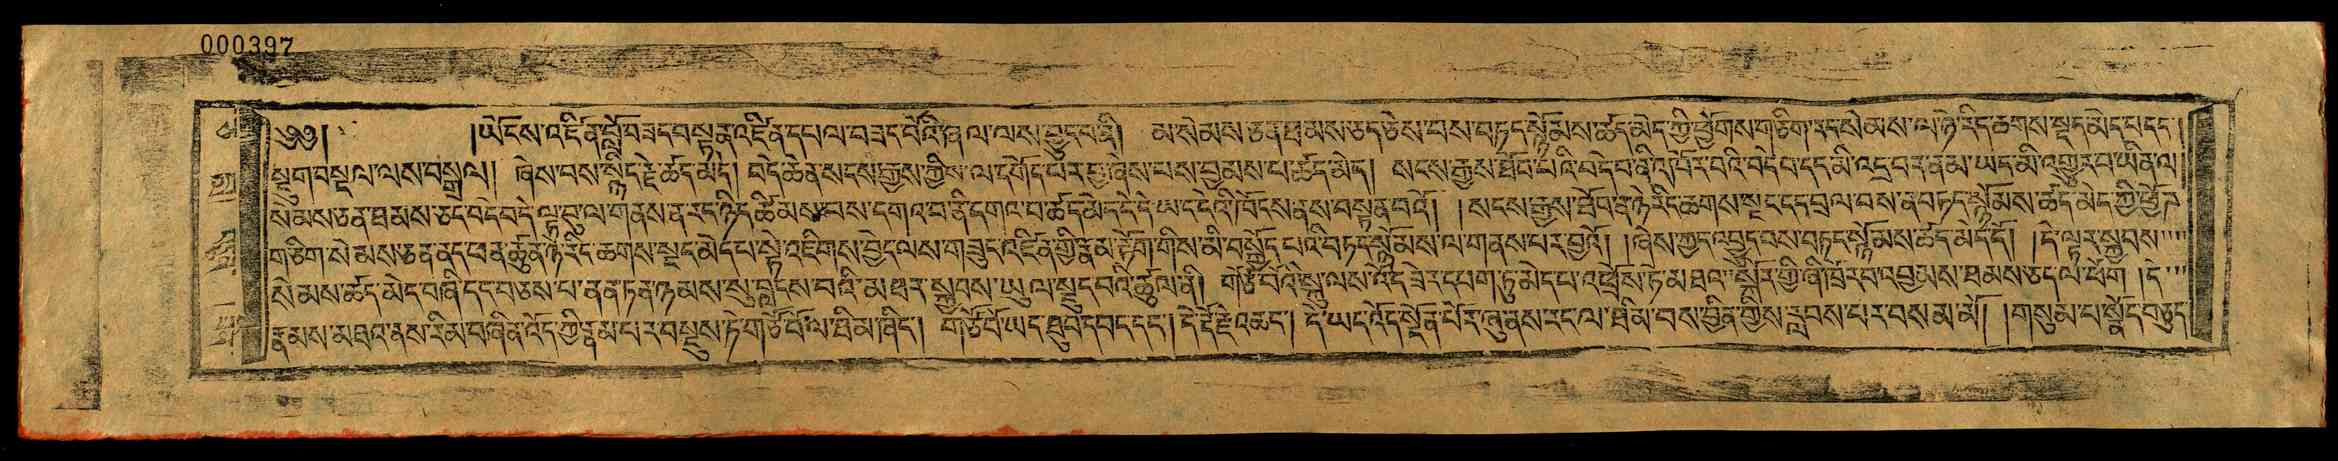༄༅། །ཡོངས་འཛིན་བློ་བཟང་བསྟན་འཛིན་དཔལ་བཟང་པོའི་ཞལ་ལས་བྱུང་བ་ནི། མ་སེམས་ཅན་ཐམས་ཅད་ཅེས་པས་བཏང་སྙོམས་ཚད་མེད་ཀྱི་ཕྱོགས་གཅིག་རང་སེམས་ལ་ཉེ་རིང་ཆགས་སྡང་མེད་པ་དང་།
སྡུག་བསྔལ་ལས་བསྒྲལ། ཞེས་པས་སྙིང་རྗེ་ཚད་མེད། བདེ་ཆེན་སངས་རྒྱས་ཀྱིས་ས་ལ་དགོད་པར་བྱ་ཞེས་པས་བྱམས་པ་ཚད་མེད། སངས་རྒྱས་ཐོབ་པའི་བདེ་བ་ནི་འཁོར་བའི་བདེ་བ་དང་མི་འདྲ་བར་ནམ་ཡང་མི་འགྱུར་བ་ཡིན་ལ།
སེམས་ཅན་ཐམས་ཅད་བདེ་བ་དེ་ལྟ་བུ་ལ་གནས་ན་རང་ཉིད་ཚིམས་པས་དགའ་བ་ནི་དགའ་བ་ཚད་མེད་དེ་དེ་ཡང་དེའི་ཁོངས་ནས་བསྟན་པའོ། །སངས་རྒྱས་ཐོབ་ན་ཉེ་རིང་ཆགས་སྡང་དང་བྲལ་བསན་བཏང་སྙོམས་ཚད་མེད་ཀྱི་ཕྱོགས་
གཅིག་སེམས་ཅན་ནང་ཕན་ཚུན་ཉེ་རིང་ཆགས་སྡང་མེད་པ་སྟེ་འཇིགས་བྱེད་ལས་གཟུང་འཛིན་གྱི་རྣམ་རྟོག་གིས་མི་བསྐྱོད་པའི་བཏང་སྙོམས་ལ་གནས་པར་བྱའོ། །ཞེས་ཀྱང་འབྱུང་བས་བཏང་སྙོམས་ཚད་མེད་དོ། །དེ་ལྟར་སྐྱབས་
སེམས་ཚད་མེད་བཞི་དང་བཅས་པ་ནན་ཏན་ཉམས་སུ་བླངས་པའི་མཐར་སྐྱབས་ཡུལ་སྡུད་པའི་ཚུལ་ནི། གཙོ་བོའི་སྐུ་ལས་འོད་ཟེར་དཔག་ཏུ་མེད་པ་འཕྲོས་ཏེ་མཐའ་སྐོར་གྱི་ཞི་ཁྲོ་རབ་འབྱམས་ཐམས་ཅད་ལ་ཕོག །དེ་
རྣམས་མཐའ་ནས་རིམ་བཞིན་འོད་ཀྱི་རྣམ་པར་བསྡུས་ཏེ་གཙོ་བོ་ལ་ཐིམ་ཞིང་། གཙོ་བོ་ཡང་ཐུབ་དབང་དང་། དེ་རྡོ་རྗེ་འཆང་། དེ་ཡང་འོད་སྔོན་པོར་ཞུ་ནས་རང་ལ་ཐིམ་པས་བྱིན་གྱིས་རླབས་བར་བསམ་མོ། །གསུམ་པ་སྣོད་བཅུད་